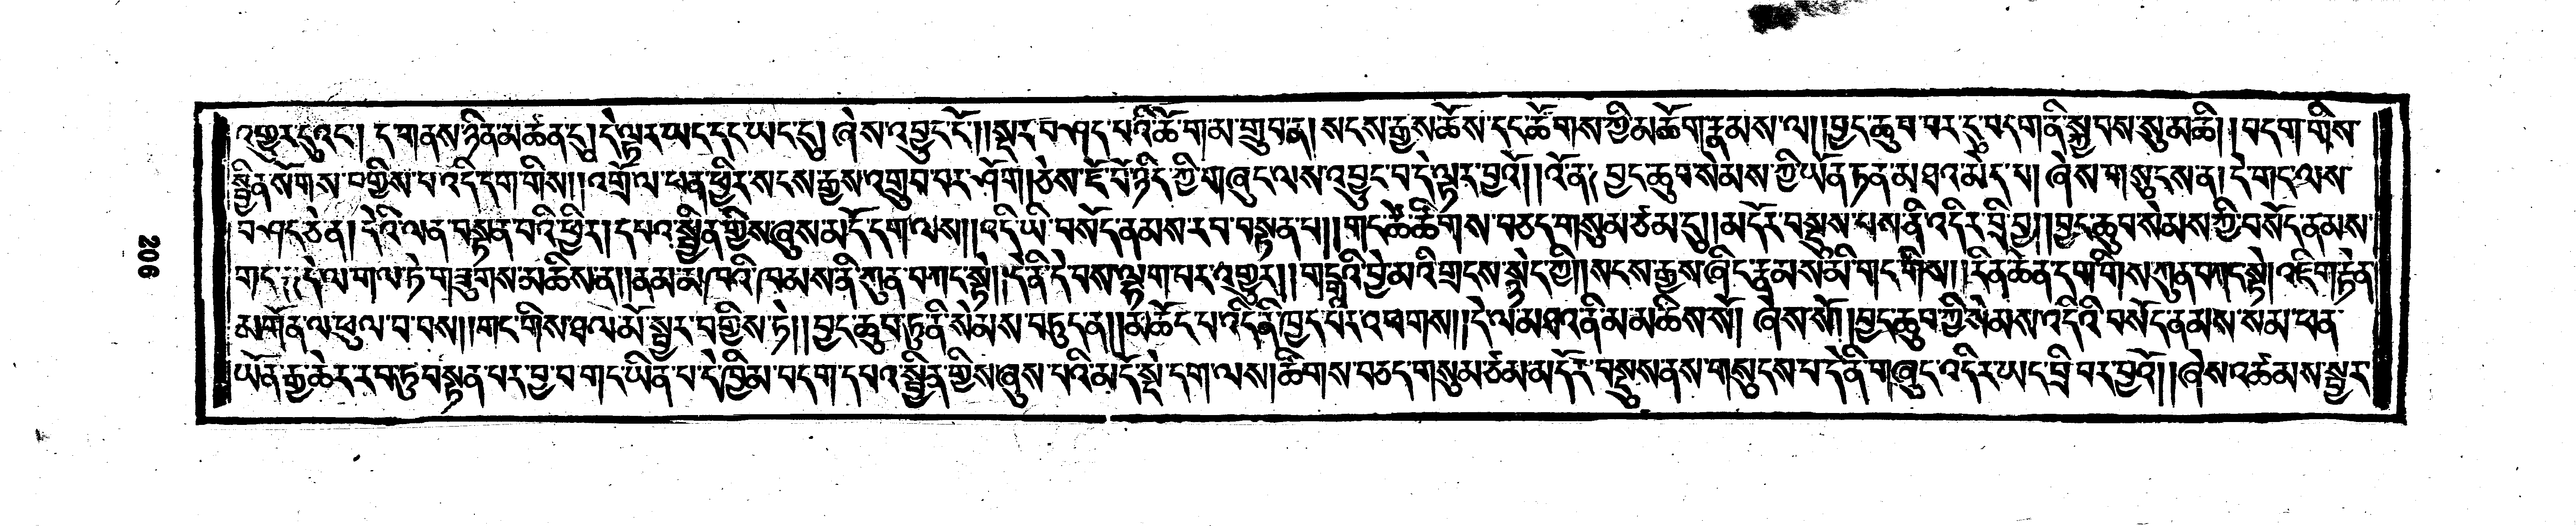འགྱུར་དུའང་། ད་གནས་ཉིན་མཚན་དུ། དེ་ལྟར་ཡང་དང་ཡང་དུ། ཞེས་འབྱུང་ངོ། །སྔར་བཤད་པའི་ཆོ་ག་མ་གྲུབ་ན། སངས་རྒྱས་ཆོས་དང་ཚོགས་ཀྱི་མཆོག་རྣམས་ལ། །བྱང་ཆུབ་བར་དུ་བདག་ནི་སྐྱབས་སུ་མཆི། །བདག་གིས་
སྦྱིན་སོགས་བགྱིས་པ་འདི་དག་གིས། །འགྲོ་ལ་ཕན་ཕྱིར་སངས་རྒྱས་འགྲུབ་པར་ཤོག །ཅེས་ཇོ་བོ་ཉིད་ཀྱི་གཞུང་ལས་འབྱུང་བ་དེ་ལྟར་བྱའོ། །འོ་ན། བྱང་ཆུབ་སེམས་ཀྱི་ཡོན་ཏན་མཐའ་མེད་པ། ཞེས་གསུངས་ན། དེ་གང་ལས་
བཤད་ཅེ་ན། དེའི་ལན་བསྟན་པའི་ཕྱིར། དཔའ་སྦྱིན་གྱིས་ཞུས་མདོ་དག་ལས། །འདི་ཡི་བསོད་ནམས་རབ་བསྟན་པ། །གང་ཚེ་ཚིགས་བཅད་གསུམ་ཙམ་དུ། །མདོར་བསྡུས་པས་ནི་འདིར་བྲི་བྱ། །བྱང་ཆུབ་སེམས་ཀྱི་བསོད་ནམས་
གང་། །དེ་ལ་གལ་ཏེ་གཟུགས་མཆིས་ན། །ནམ་མཁའི་ཁམས་ནི་ཀུན་བཀང་སྟེ། །དེ་ནི་དེ་བས་ལྷག་པར་འགྱུར། །གངྒཱའི་བྱེ་མའི་གྲངས་སྙེད་ཀྱི། །སངས་རྒྱས་ཞིང་རྣམས་མི་གང་གིས། །རིན་ཆེན་དག་གིས་ཀུན་བཀང་སྟེ། འཇིག་རྟེན་
མགོན་ལ་ཕུལ་བ་བས། །གང་གིས་ཐལ་མོ་སྦྱར་བགྱིས་ཏེ། །བྱང་ཆུབ་ཏུ་ནི་སེམས་བཏུད་ན། །མཆོད་པ་འདི་ནི་ཁྱད་པར་འཕགས། །དེ་ལ་མཐའ་ནི་མ་མཆིས་སོ། ཞེས་སོ། །བྱང་ཆུབ་ཀྱི་སེམས་འདིའི་བསོད་ནམས་སམ་ཕན་
ཡོན་རྒྱ་ཆེར་རབ་ཏུ་བསྟན་པར་བྱ་བ་གང་ཡིན་པ་དེ་ཁྱིམ་བདག་དཔའ་སྦྱིན་གྱིས་ཞུས་པའི་མདོ་སྡེ་དག་ལས། ཚིགས་བཅད་གསུམ་ཙམ་མདོར་བསྡུས་ནས་གསུངས་པ་དེ་ནི་གཞུང་འདིར་ཡང་བྲི་བར་བྱའོ། །ཞེས་འཚམས་སྦྱར་